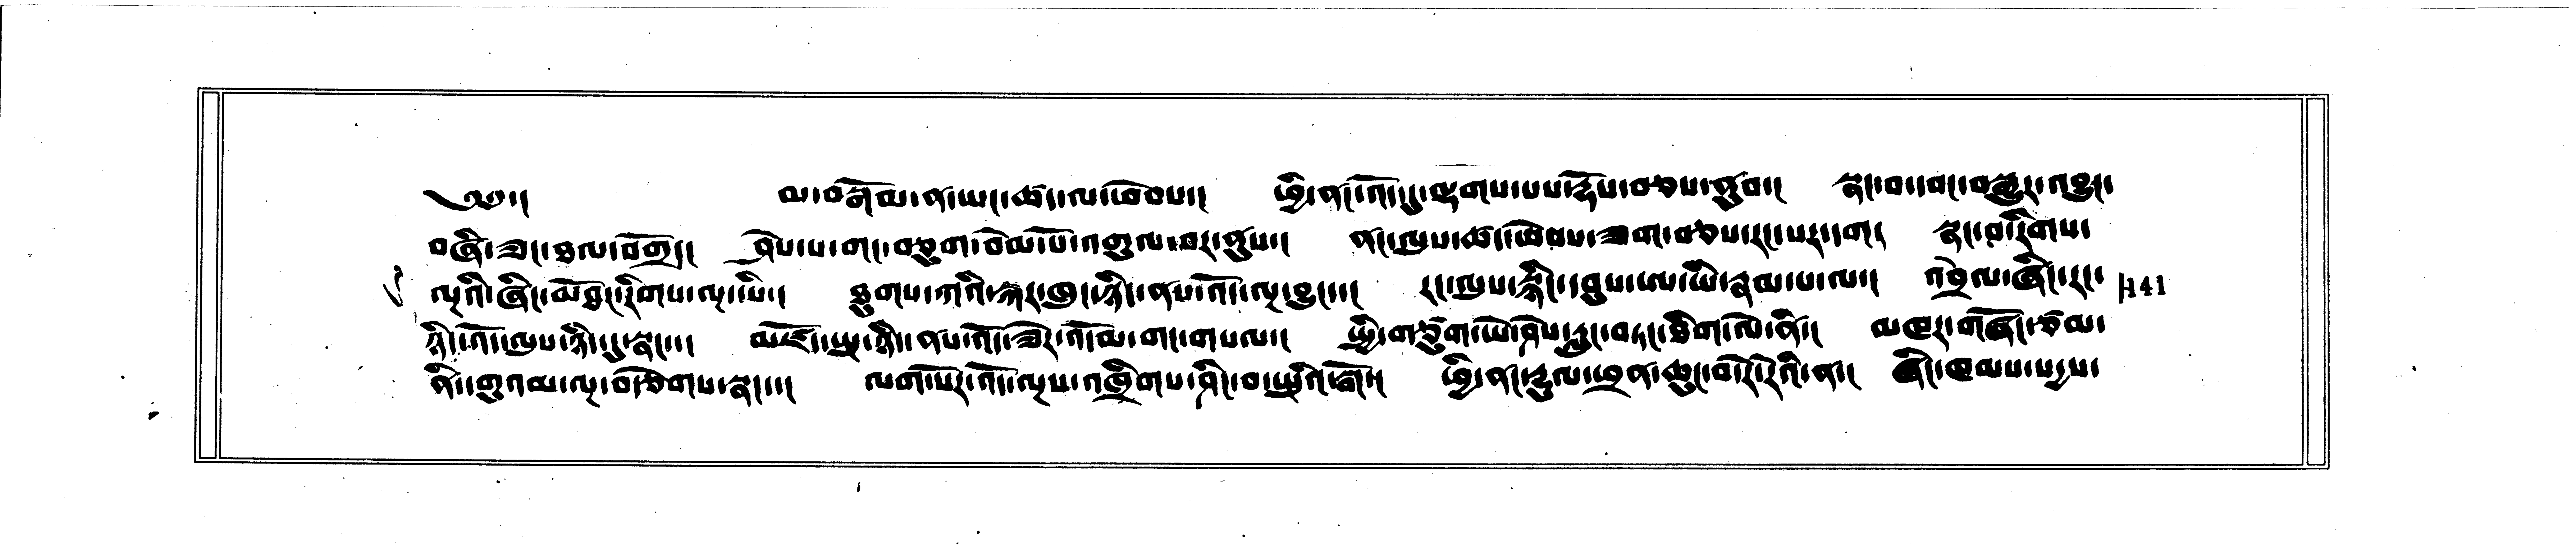མ་བསྒོམས་ན་ཡང་ཚད་ལ་ཕེབས། །ཕྱི་ནང་འོད་དུ་ལྷགས་པས་གདོས་བཅས་ནུས། །སྣང་བ་དབང་སྒྱུར་འབྱུང་
བཞི་ཟང་ཐལ་བགྲོད། །ཤེས་པ་གང་བཅུག་བེམ་པོ་འགུལ་བར་ནུས། །ནང་ལུས་ཚད་ཕེབས་ཟག་བཅས་རང་སར་དག །སྣང་བ་རིགས་
ལྔའི་ཞིང་མཐོང་རིགས་ལྔ་ཡི། །ཐུགས་ཀའི་སྐར་ཁུང་ཉིད་ནས་འོད་ལྔ་བྱུང་། །རང་ལུས་སྙིང་དབུས་ཨ་ཡི་རྣམ་པ་ལ། །འབྲེལ་ཞིང་རང་
ཉིད་འོད་ལུས་ཉིད་དུ་སྣང་། །མཛོད་སྤུ་ཉིད་ནས་འོད་ཟེར་འདོམ་གང་གསལ། །སྤྱི་གཙུག་ཡེ་ཤེས་རླུང་བཏང་ཐིག་ལེ་ནི། །མཁར་གཞོང་ཙམ་
ནི་དགུ་འམ་ལྔ་བརྩེགས་སྣང་། །ལག་སོར་འོད་ལྔས་འཁྲིགས་ཤིང་བ་སྤུའི་སྒོ། །ཕྱི་ནང་རྡུལ་ཕྲན་ཆུང་བ་རེ་རེ་ན། །ཞིང་ཁམས་སངས་རྒྱས་